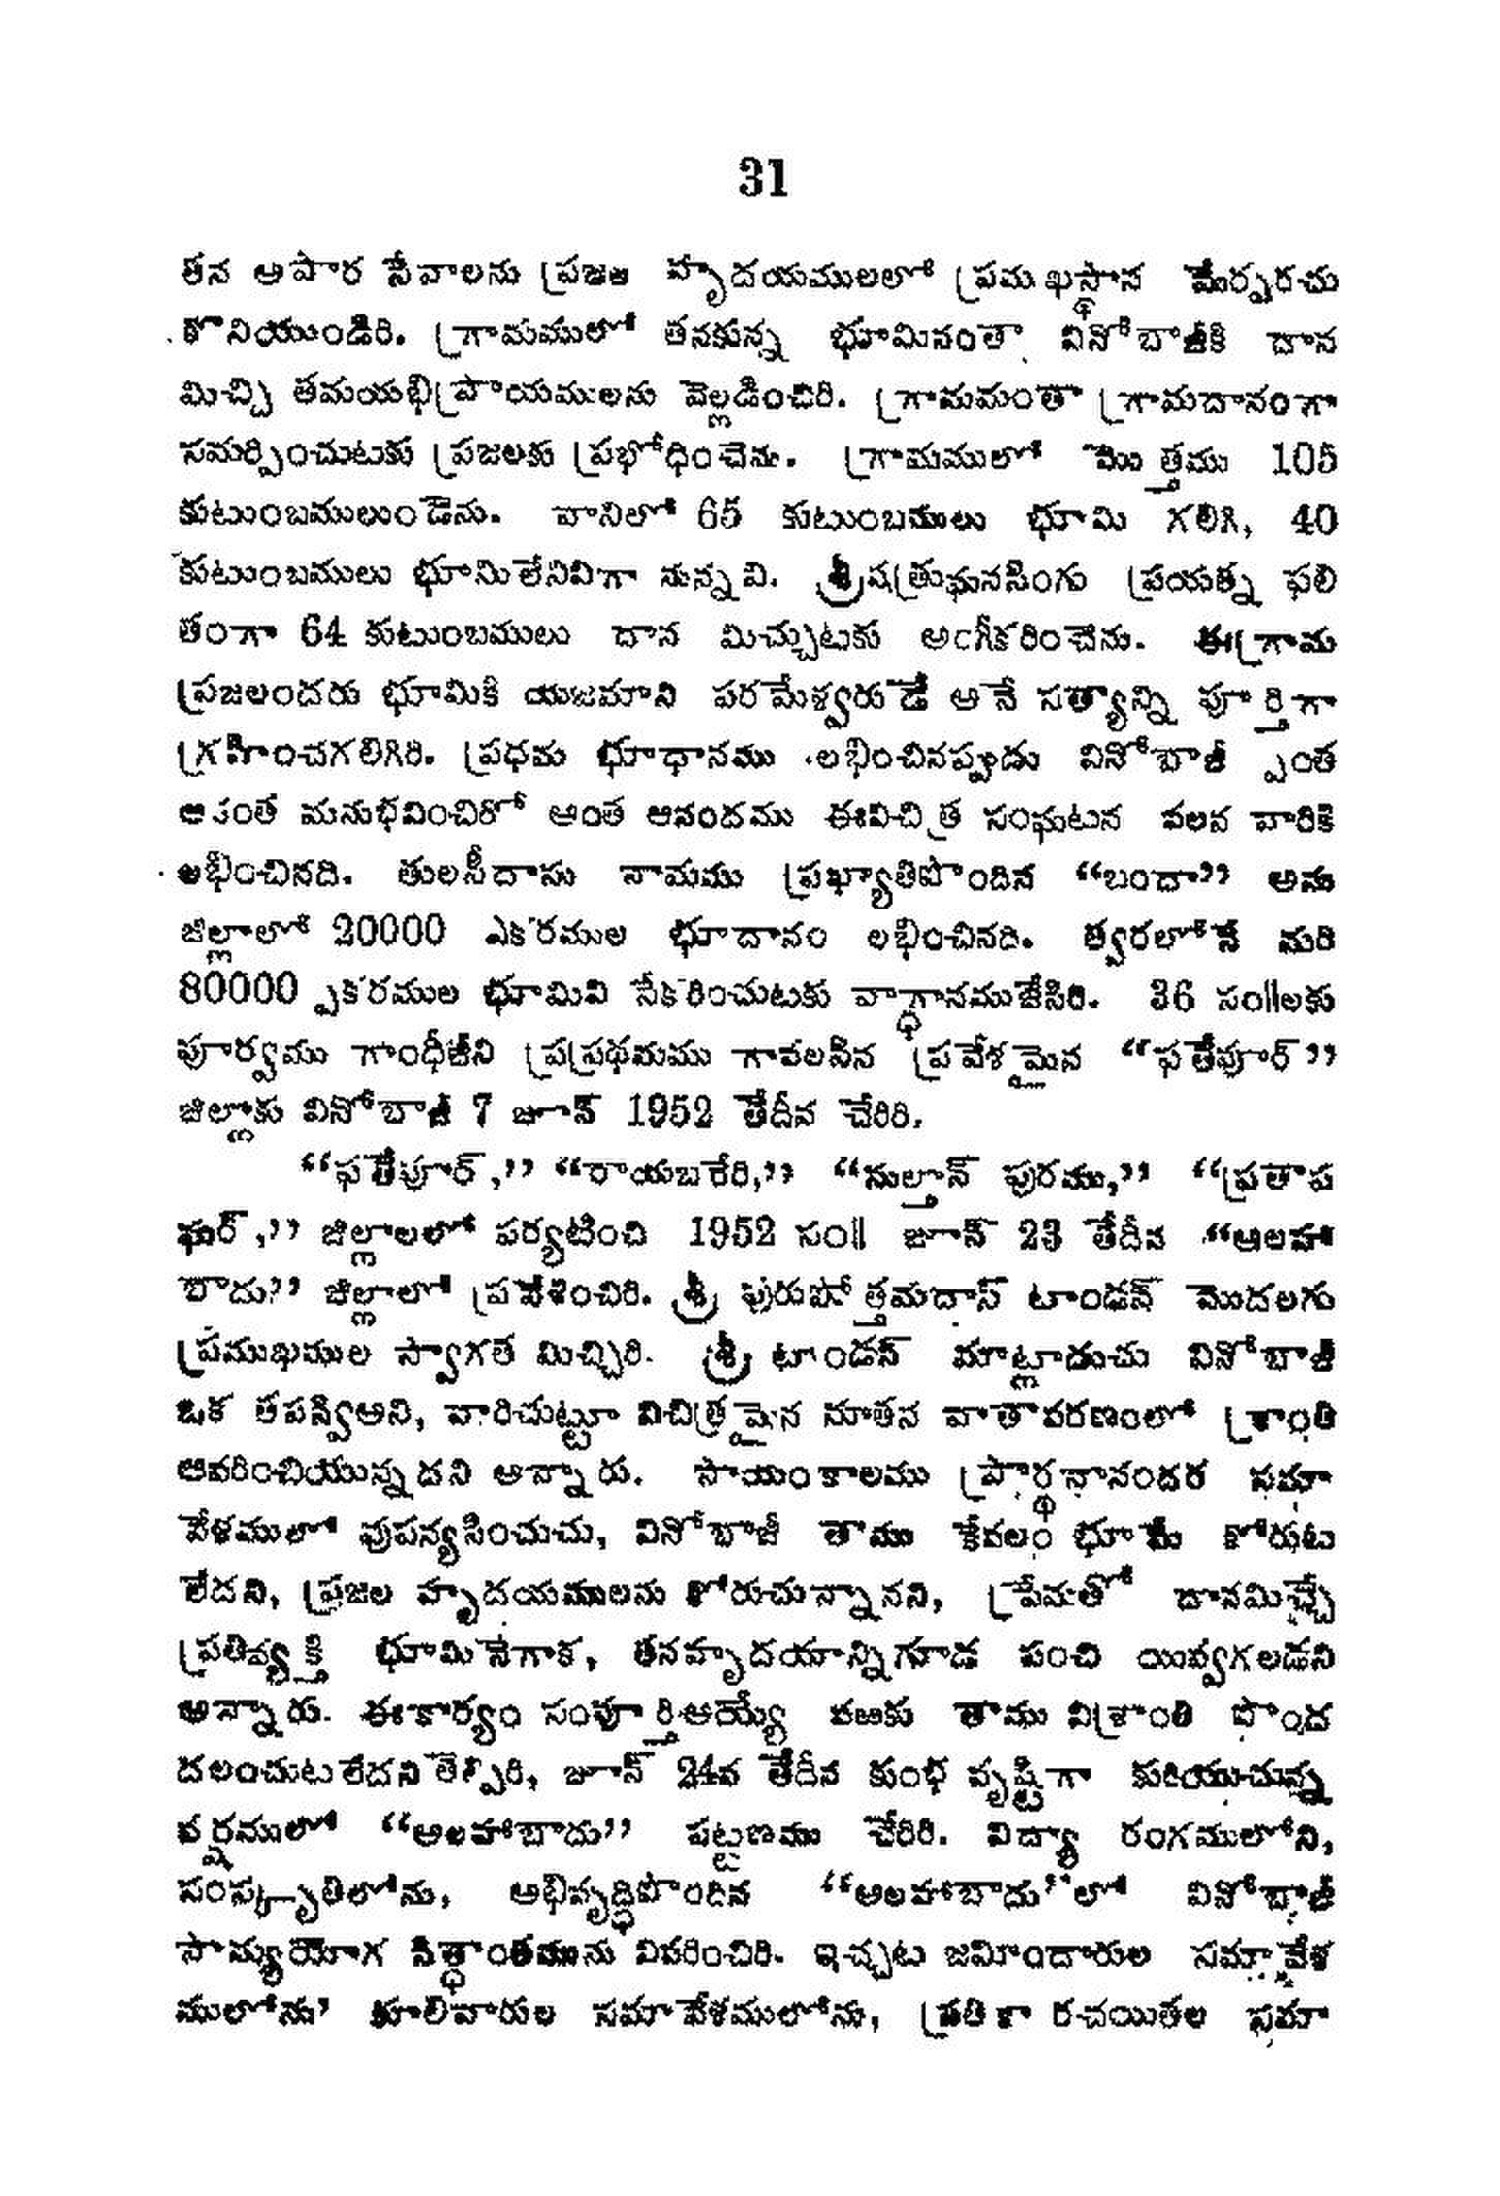తన అపార సేవాలను ప్రజల హృదయములలో ప్రముఖస్థాన మేర్పరచు కొనియుండిరి. గ్రామములో తనకున్న భూమినంతా వినోబాజీకి దానమిచ్చి తమయభిప్రాయములను వెల్లడించిరి. గ్రామమంతా గ్రామదానంగా సమర్పించుటకు ప్రజలకు ప్రభోధించెను. గ్రామములో మొత్తము 105 కుటుంబములుండెను. వానిలో 65 కుటుంబములు భూమి గలిగి, 40 కుటుంబములు భూమిలేనివిగా నున్నవి. శ్రీషత్రుఘనసింగు ప్రయత్న ఫలితంగా 64 కుటుంబములు దాన మిచ్చుటకు అంగీకరించెను. ఈగ్రామ ప్రజలందరు భూమికి యజమాని పరమేశ్వరుడే అనే సత్యాన్ని పూర్తిగా గ్రహించగలిగిరి. ప్రధమ భూధానము లభించినప్పుడు వినోబాజీ ఎంత అనంత మనుభవించిరో అంత ఆనందము ఈవిచిత్ర సంఘటన వలన వారికి లభించినది. తులసీదాసు నామము ప్రఖ్యాతిపొందిన "బందా" అను జిల్లాలో 20000 ఎకరముల భూదానం లభించినది. త్వరలోనే మరి 80000 ఎకరముల భూమిని సేకరించుటకు వాగ్ధానము జేసిరి. 36 సం||లకు పూర్వము గాంధీజీని ప్రప్రథమము గావలసిన ప్రవేశమైన "ఫతేపూర్" జిల్లాకు వినోబాజీ 7 జూన్ 1952 తేదీన చేరిరి. 

"ఫతేపూర్,” రాయబరేరి," "సుల్తాన్ పురము," "ప్రతాపఘర్," జిల్లాలలో పర్యటించి 1952 సం!! జూన్ 23 తేదీన "ఆలహాబాదు" జిల్లాలో ప్రవేశించిరి. శ్రీ పురుషోత్తమదాస్ టాండన్ మొదలగు ప్రముఖముల స్వాగత మిచ్చిరి. శ్రీ టాండన్ మాట్లాడుచు వినోబాజీ ఒక తపస్విఅని, వారిచుట్టూ విచిత్రమైన నూతన వాతావరణంలో శాంతి ఆవరించియున్నదని అన్నారు. సాయంకాలము ప్రార్థనానందర సమావేశములో వుపన్యసించుచు, వినోబాజీ తాము కేవలం భూమే కోరుట లేదని, ప్రజల హృదయములను కోరుచున్నానని, ప్రేమతో దానమిచ్చే ప్రతివ్యక్తి భూమినేగాక, తనహృదయాన్నిగూడ పంచి యివ్వగలడని అన్నారు. ఈకార్యం సంపూర్తిఅయ్యే వఱకు తాము విశ్రాంతి పొంద దలంచుటలేదని తెల్పిరి. జూన్ 24వ తేదీన కుంభ వృష్టిగా కురియుచున్న వర్షములో "అలహాబాదు" పట్టణము చేరిరి. విద్యా రంగములోని, సంస్కృతిలోను, అభివృద్ధిపొందిన "అలహాబాదు"లో వినోబాజీ సామ్యయోగ సిద్ధాంతమును వివరించిరి. ఇచ్చట జమీందారుల సమావేశములోను కూలివారుల సమావేశములోను, పత్రికా రచయితల సమా